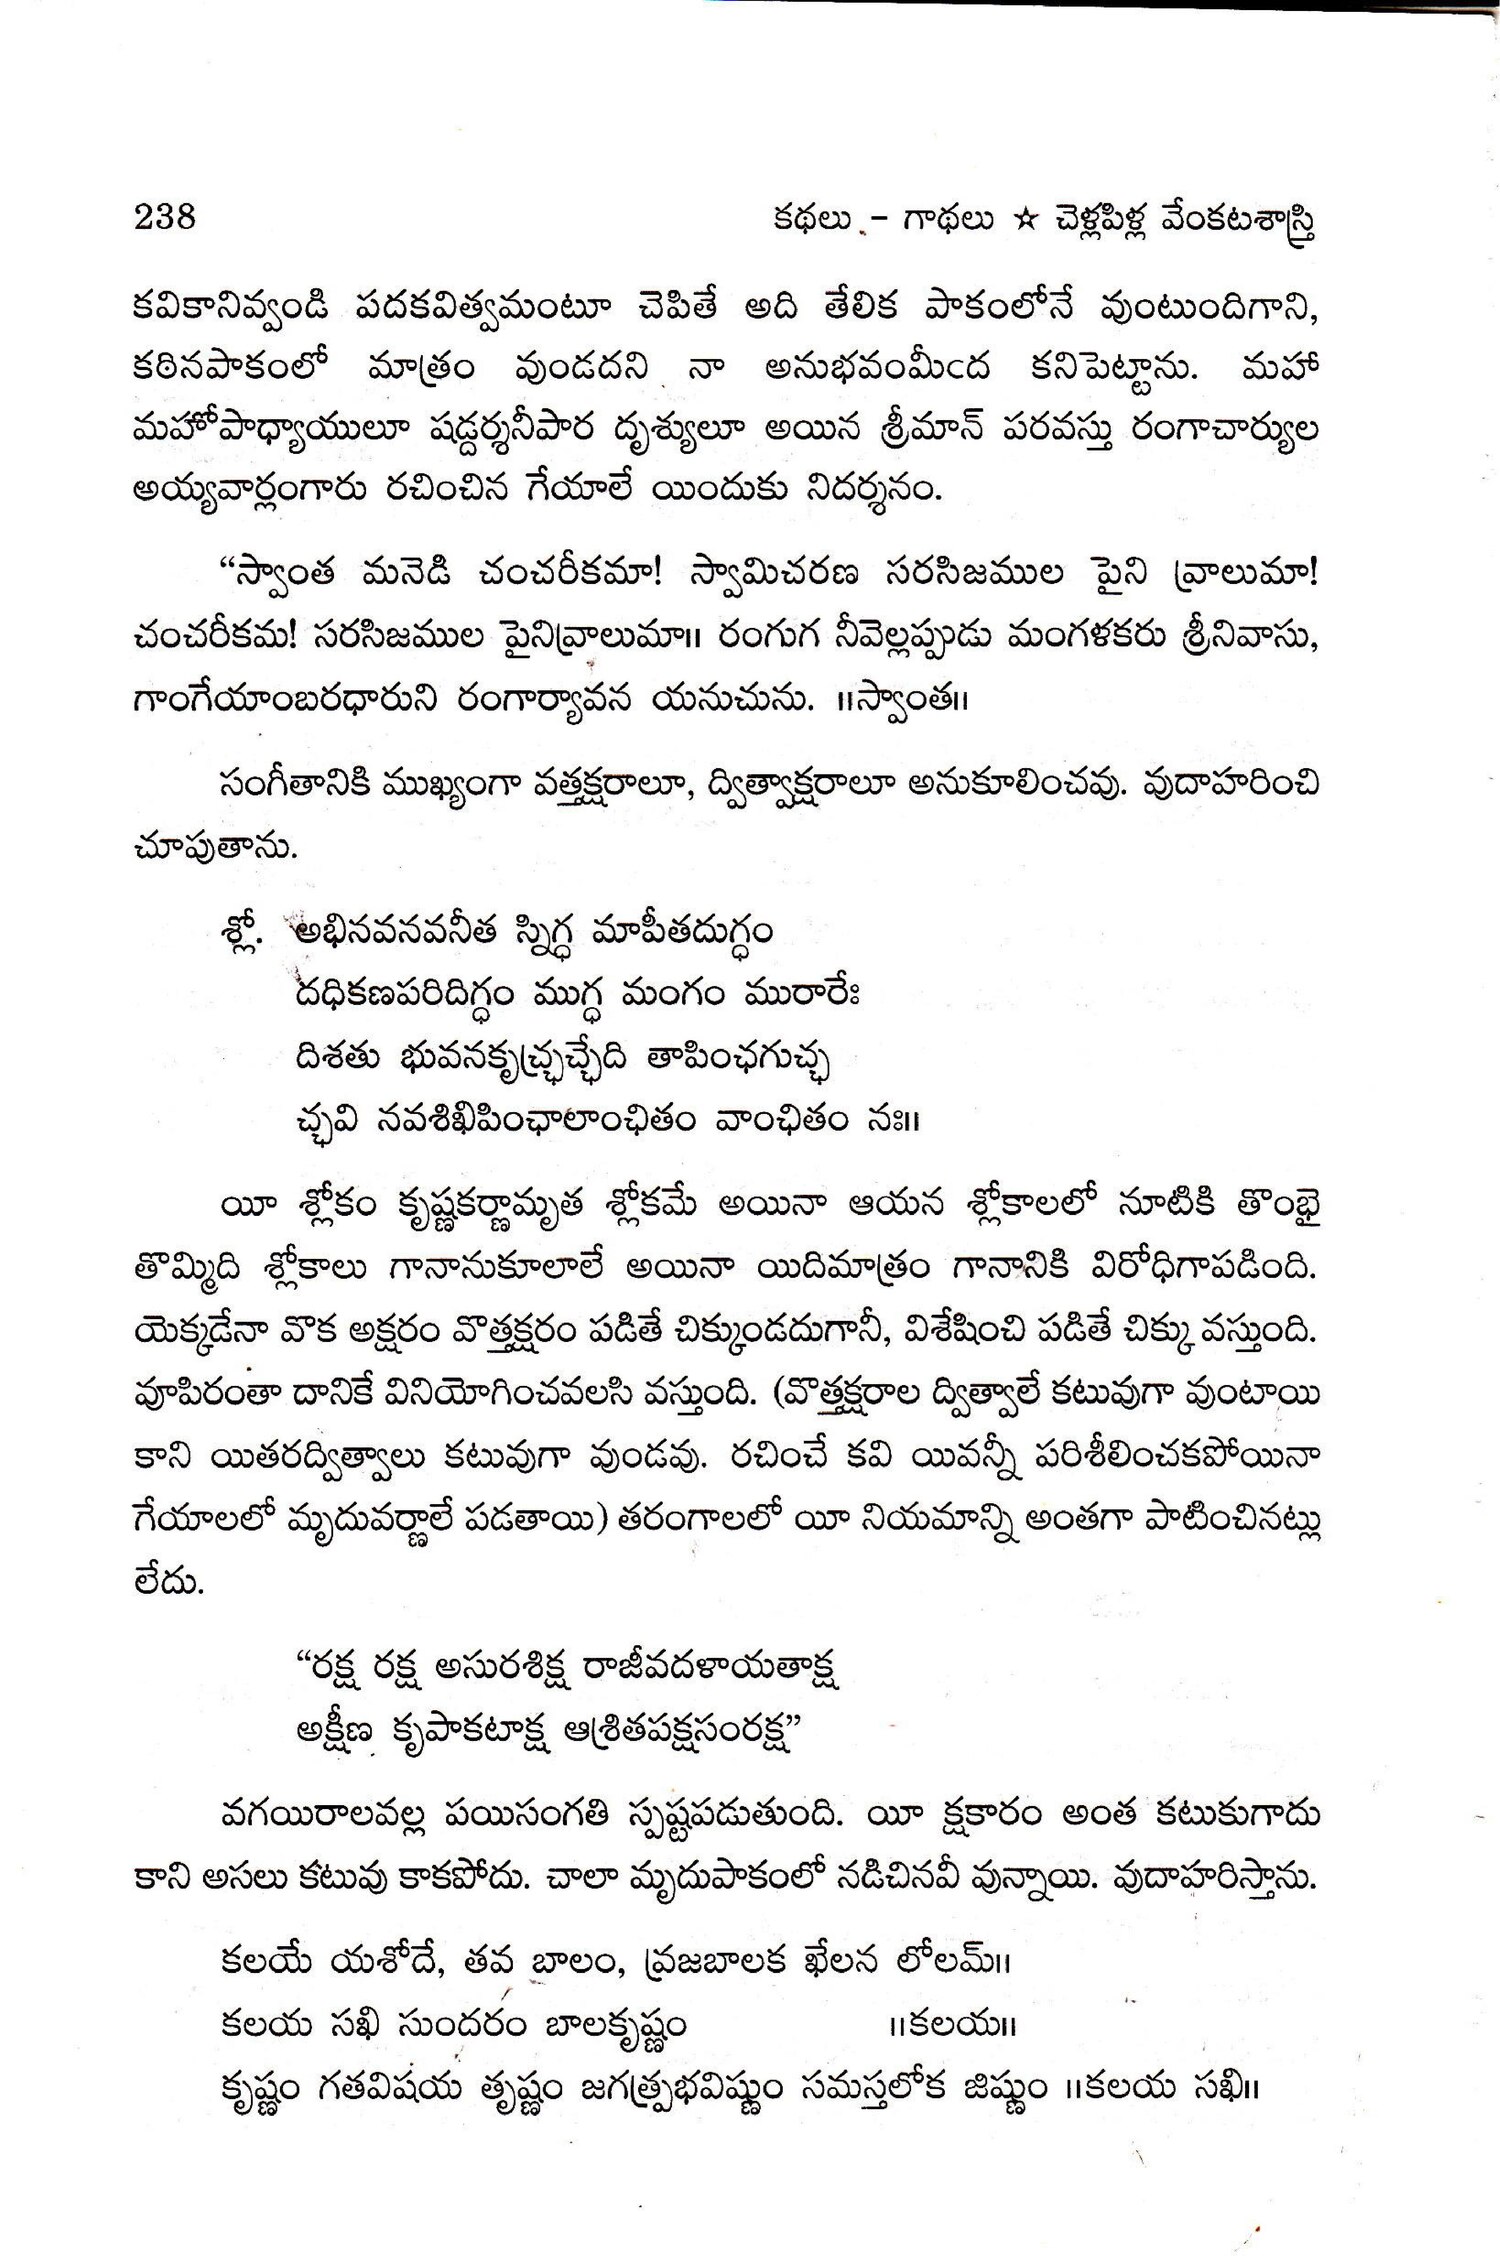కవికానివ్వండి పదకవిత్వమంటూ చెపితే అది తేలిక పాకంలోనే వుంటుందిగాని, కఠినపాకంలో మాత్రం వుండదని నా అనుభవంమీఁద కనిపెట్టాను. మహామహోపాధ్యాయులూ షడ్దర్శనీపార దృశ్యులూ అయిన శ్రీమాన్ పరవస్తు రంగాచార్యుల అయ్యవార్లంగారు రచించిన గేయాలే యిందుకు నిదర్శనం.

“స్వాంత మనెడి చంచరీకమా! స్వామిచరణ సరసిజముల పైని వ్రాలుమా! చంచరీకమ! సరసిజముల పైనివ్రాలుమా|| రంగుగ నీవెల్లప్పుడు మంగళకరు శ్రీనివాసు, గాంగేయాంబరధారుని రంగార్యావన యనుచును. ||స్వాంత||

సంగీతానికి ముఖ్యంగా వత్తక్షరాలూ, ద్విత్వాక్షరాలూ అనుకూలించవు. వుదాహరించి చూపుతాను.

శ్లో. అభినవనవనీత స్నిగ్ధ మాపీతదుగ్ధం
 దధికణపరిదిగ్ధం ముగ్ధ మంగం మురారేః 
 దిశతు భువనకృచ్ఛ్రచ్ఛేది తాపింఛగుచ్చ 
 చ్చవి నవశిఖిపింఛాలాంఛితం వాంఛితం నః||
యీ శ్లోకం కృష్ణకర్ణామృత శ్లోకమే అయినా ఆయన శ్లోకాలలో నూటికి తొంభై తొమ్మిది శ్లోకాలు గానానుకూలాలే అయినా యిదిమాత్రం గానానికి విరోధిగాపడింది. యెక్కడేనా వొక అక్షరం వొత్తక్షరం పడితే చిక్కుండదుగానీ, విశేషించి పడితే చిక్కువస్తుంది. వూపిరంతా దానికే వినియోగించవలసి వస్తుంది. (వొత్తక్షరాల ద్విత్వాలే కటువుగా వుంటాయి కాని యితరద్విత్వాలు కటువుగా వుండవు. రచించే కవి యివన్నీ పరిశీలించకపోయినా గేయాలలో మృదువర్ణాలే పడతాయి) తరంగాలలో యీ నియమాన్ని అంతగా పాటించినట్లు లేదు.

“రక్ష రక్ష అసురశిక్ష రాజీవదళాయతాక్ష 
 అక్షీణ కృపాకటాక్ష ఆశ్రితపక్షసంరక్ష
వగయిరాలవల్ల పయిసంగతి స్పష్టపడుతుంది. యీ క్షకారం అంత కటుకుగాదు కాని అసలు కటువు కాకపోదు. చాలా మృదుపాకంలో నడిచినవీ వున్నాయి. వుదాహరిస్తాను.

కలయే యశోదే, తవ బాలం, వ్రజబాలక ఖేలన లోలమ్|| 
కలయ సఖి సుందరం బాలకృష్ణం IIకలయII 
కృష్ణం గతవిషయ తృష్ణం జగత్ర్పభవిష్ణుం సమస్తలోక జిష్ణుం ||కలయ సఖి||